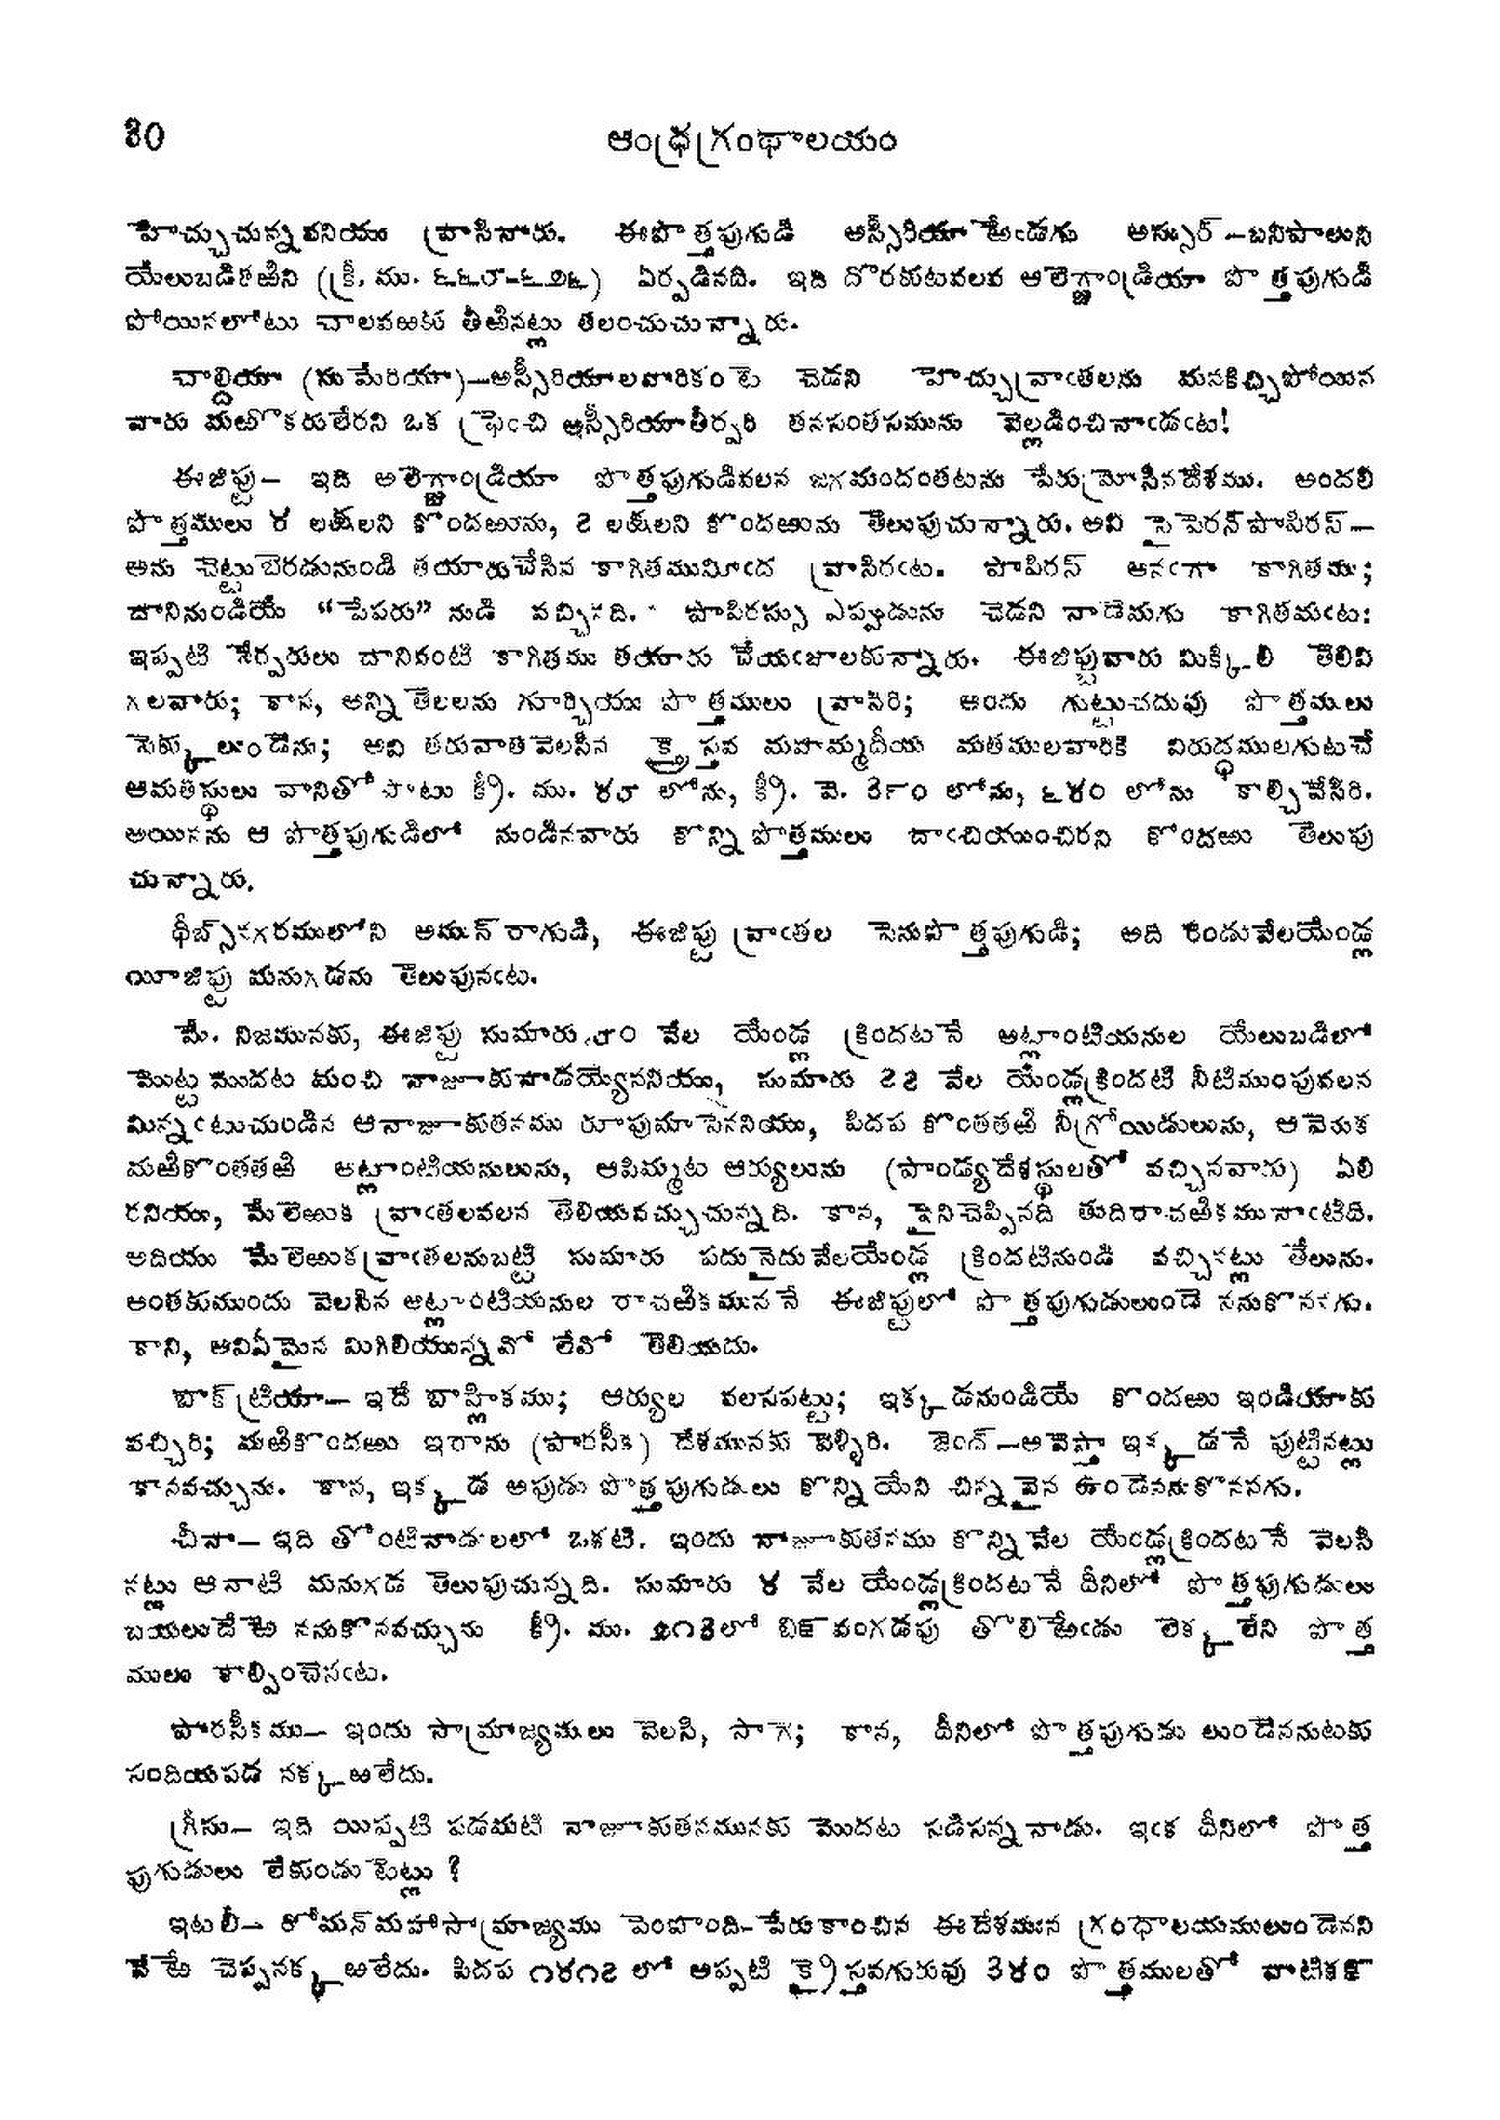హెచ్చుచున్నదనియు వ్రాసినారు. ఈపొత్తపుగుడి అస్సీరియా ఱేేఁడగు అన్సర్ – బనీపాలునీ యేలుబడికఱిని 
(క్రీ.ము. ౬౬౮౨౨౬) ఏర్పడినది. ఇది దొరకుటవలన అలెగ్జాండ్రియా పొత్తపుగుడి పోయినలోటు చాలవఱకు 
తీఱినట్లు తలంచుచున్నారు.

చాల్దియా (నుమేరియా) - అస్సీరియాలవారికంటే చెడని హెచ్చువ్రాతలను మనకిచ్చిపోయిన వారు మటొకరులేరని 
ఒక ఫ్రెంచి అస్సీరియాతీర్పరి తన సంతసమును వెల్లడించినాఁడఁట!

ఈజిప్టు - ఇది అలెగ్జాండ్రియా పొత్తపుగుడివలన జగమందంతటను పేరుమోసిన దేశము. అందలి పొత్తములు
౪ లక్షలని కొందఱును, ౭ లక్షలని కొందఱును తెలుపుచున్నారు. అని సైపేరన్ పాపిరస్ - అను చెట్టు బెరడు
నుండి తయారు చేసిన కాగితముమీఁద వ్రాసిరఁట. పాపిరస్ అనఁగా కాగితము; దానినుండియే "పేపరు” 
ను౦డి వచ్చినది. పాపిరస్సు ఎప్పుడును చెడని నాడెరుగు కాగితమఁట: ఇప్పటి నేర్పరులు దానివంటి కాగితము 
తయారు చేయఁజాలకున్నారు. ఈజిప్టువారు మిక్కిలి తెలివి గలవారు; కాస, అన్ని తెలలను గూర్చియు పొత్తములు 
వ్రాసిరి; అందు గుట్టుచదువు పొత్తములు పెక్కులుండేసు; అవి తరువాతవెలసిన క్రైస్తవ మహమ్మదీయ మతములవారికి 
విరుద్ధములగుటచే ఆమతిస్టులు వానితో పాటు క్రీ.ము. ౪౮ లోను, క్రీ.వె. ౩౯౦3 లోను, ౬౪౦ లోను కాల్చి వేసిరి.
అయినను ఆ పొత్తపుగుడిలో నుండినవారు కొన్ని పొత్తములు దాఁచియుంచిరని కొందఱు తెలుపు చున్నారు.

థీబ్స్ నగరములోని అమన్ రాగుడి, ఈజిప్టు వ్రాతల పెనుపొత్తపుగుడి; అది రెండు వేలయేండ్ల యీజిప్టు 
మనుగడను తెలుపునఁట.

మే. నిజమునకు, ఈజిప్టు సుమారు ౮౦ వేల యేండ్ల క్రిందటనే అట్లాంటియనులు యేలుబడిలో మొట్ట మొదట 
మంచి నాజూకు పొడయ్యేననియు, సుమారు ౭౭ వేల యేండ్లక్రిందటి నీటిముంపువలన మిన్నఁటుచుండిన 
ఆనాజూకుతనము రూపుమా సెననియు, పిదప కొంతతటీ నీగ్రోయిడులును, ఆ వెనుక మఱికొంతతఱి 
అట్లాంటియములును, ఆపిమ్మట ఆర్యులును (పాండ్యదేశస్థులతో వచ్చినవారు) ఏలి కనియు, మేలెఱుక 
వ్రాఁతలవలన తెలియవచ్చుచున్నది. కాన, పైని చెప్పినది తుదిరాచతికమునాఁటీది. అదియు మేలెఱుక
వ్రాఁతలనుబట్టి సుమారు పదునైదు వేలయేండ్ల క్రిందటినుండి వచ్చినట్లు తేలును. అంతకుముందు వెలసిన 
ఆట్లాంటియనులు రాచఱికముననే ఈజిప్టులో పొత్తపుగుడులుండె ననుకొనఁగు. కాని, ఆవిఏమైన మిగిలియున్నవో 
లేవో తెలియదు.

బాక్ట్రిరియా — ఇదే బాహ్లికము; ఆర్యుల వలసపట్టు; ఇక్కడనుండియే కొందఱు ఇండియాకు వచ్చిరి; మఱికొందఱు 
ఇరాను (పారసీక) దేశమునకు వెళ్ళిరి. జెంద్-అవెస్తా ఇక్కడనే పుట్టినట్లు కొనవచ్చును. కొన, ఇక్కడ అపుడు
పొత్తపుగుడులు కొన్నియేని చిన్నవైన ఉండేననుకొననగు.

చీనా - ఇది తొంటి నాడులలో ఒకటి. ఇందు నాజూకుతనము కొన్ని వేల యేండ్ల క్రిందటనే వెలసీ నట్లు ఆనాటి 
మనుగడ తెలుపుచున్నది. సుమారు ౪ వేల యేండ్లక్రిందటనే దీనిలో పొత్తపుగుడులు బయలుదేఱె ననుకొనవచ్చును. 
క్రీ.ము. ౨౧౩ లో బి౯ వంగడపు తొలిఱెఁడు లెక్కలేని లేక పొత్తములు కల్పించేనఁట.

పారసీకము – ఇందు సామ్రాజ్యములు వెలసి, సాగె; కాన, దీనిలో పొత్తపుగుడు లుండేననుటకు సందియపడ 
నక్కఱలేదు.

గ్రీసు- ఇది యిప్పటి పడమటి నాజూకుతనమునకు మొదట సడిసన్ననాడు. ఇంక దీనిలో పొత్తపుగుడులు 
లేకుండు టెట్లు?

ఇటలీ - రోమన్ మహాసామ్రాజ్యము పెంపొంది - పేరు కాంచిన ఈ దేశమున గ్రంధాలయములుండెనని వేఱీ
చెప్పనక్కఱఅలేదు. పిదప ౧౪౧౭ లో అప్పటి క్రైస్తవగురువు ౩౪౦ పొత్తములతో వాటిక౯